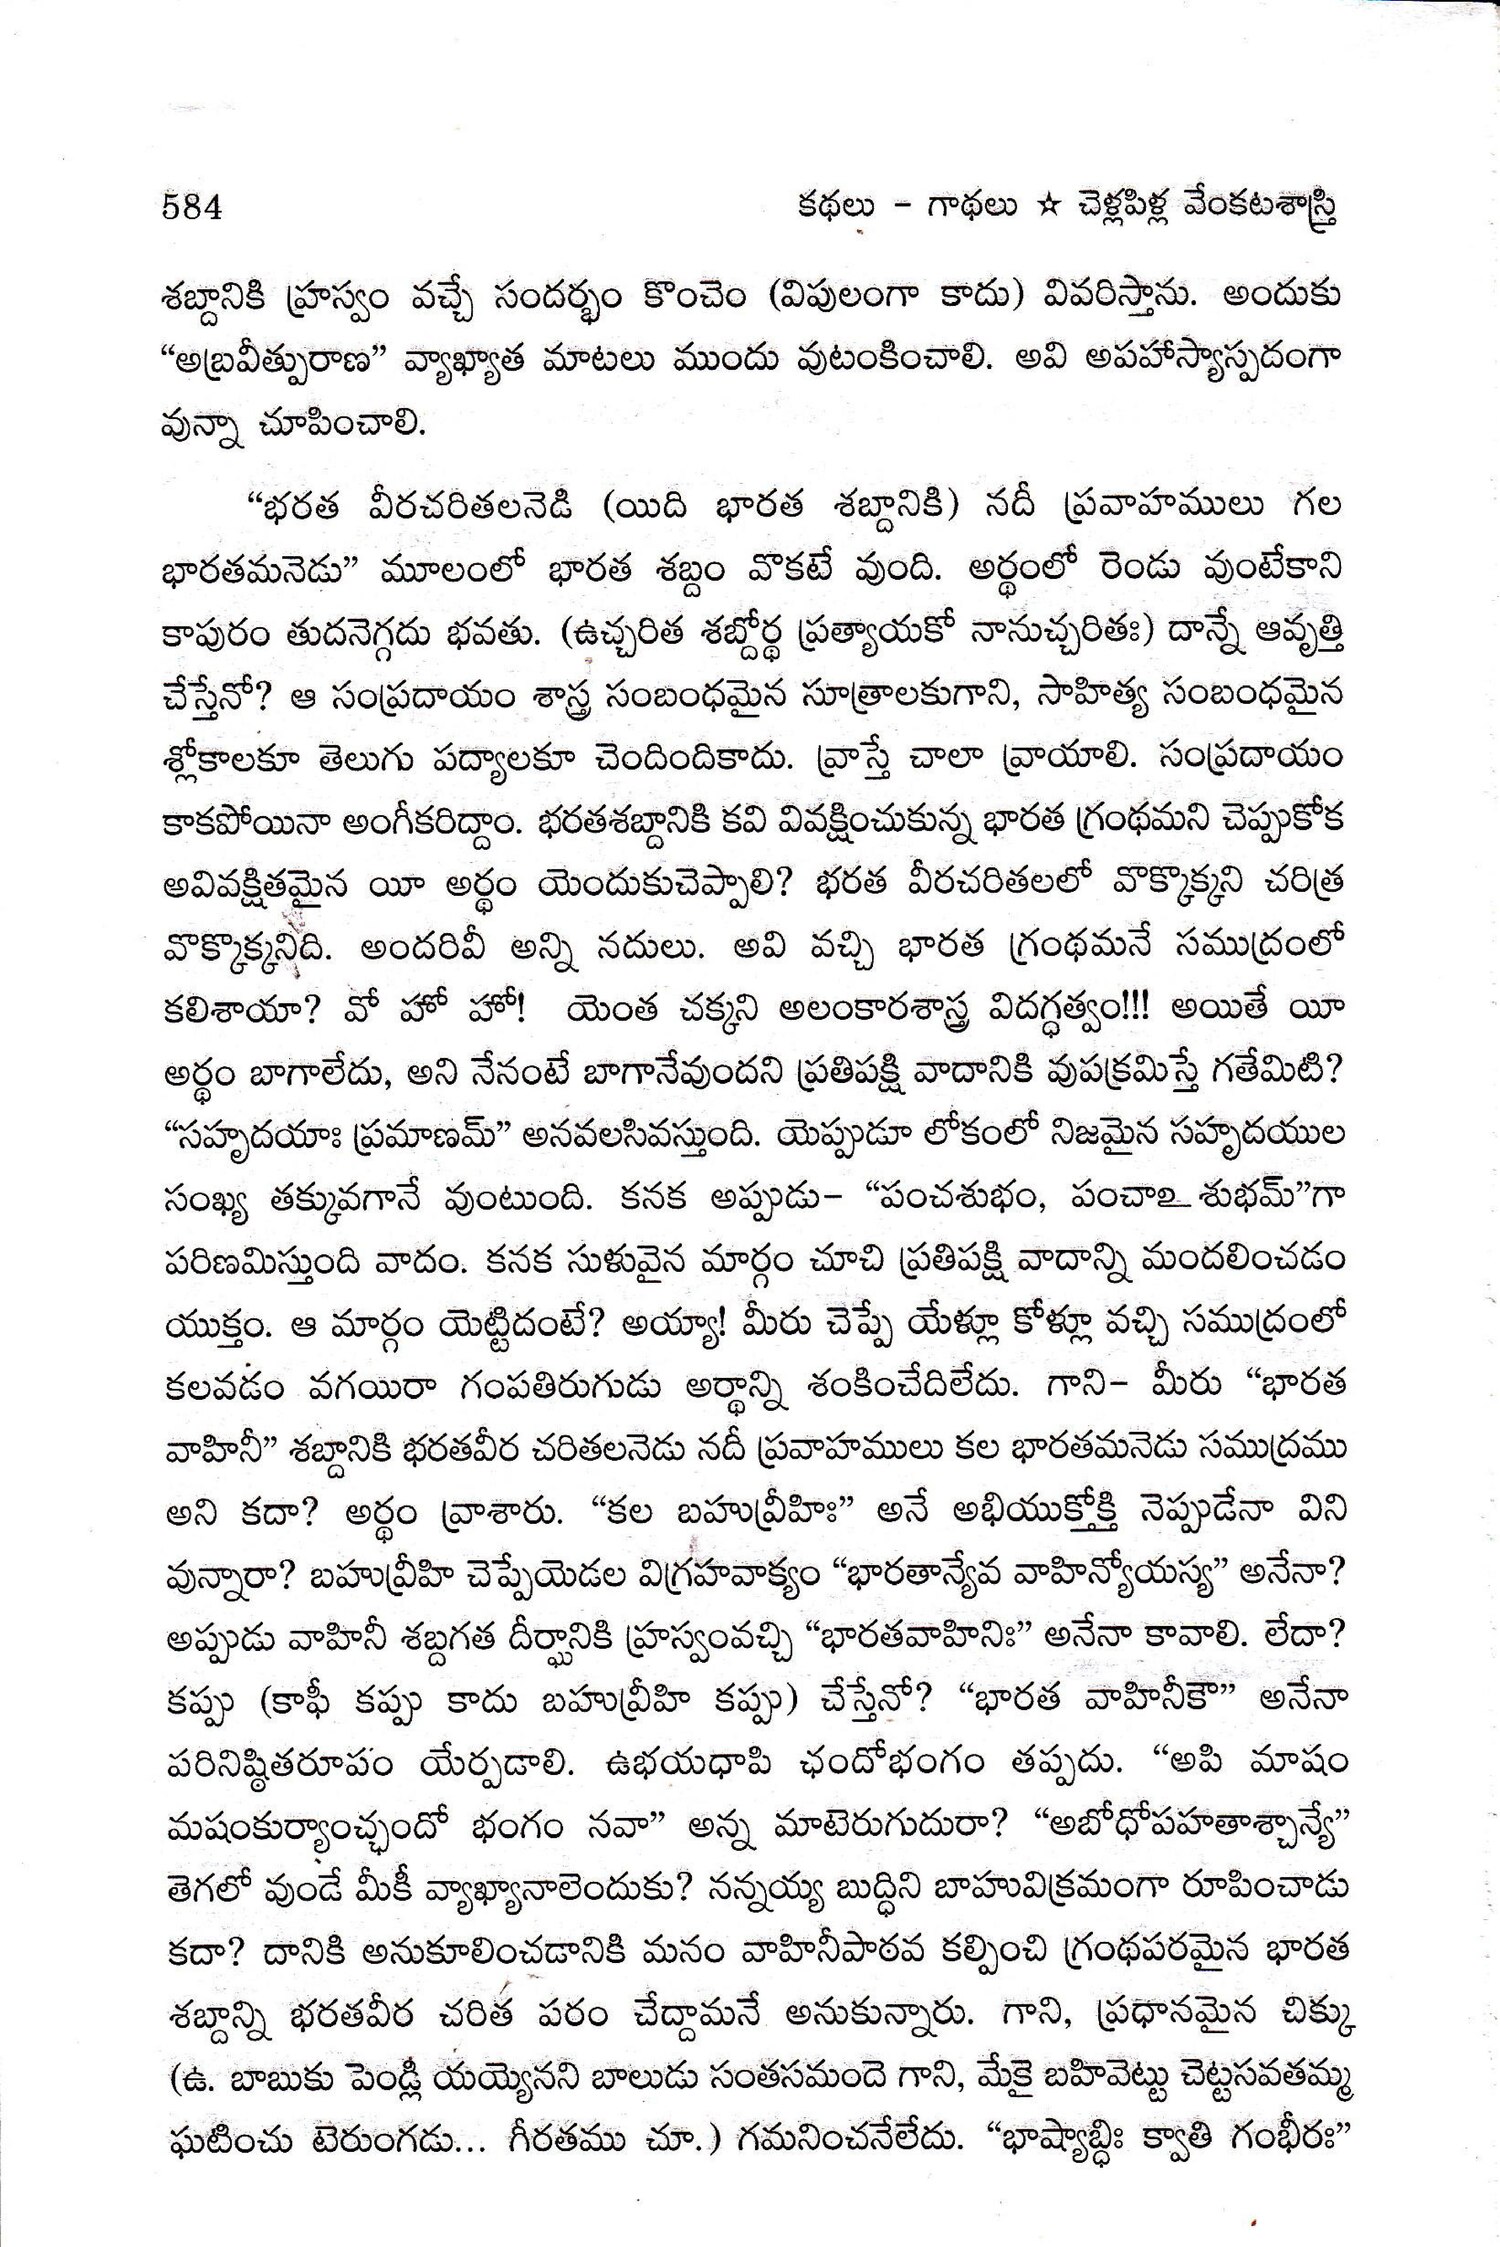శబ్దానికి హ్రస్వం వచ్చే సందర్భం కొంచెం (విపులంగా కాదు) వివరిస్తాను. అందుకు “అబ్రవీత్పురాణ" వ్యాఖ్యాత మాటలు ముందు వుటంకించాలి. అవి అపహాస్యాస్పదంగా వున్నా చూపించాలి.

"భరత వీరచరితలనెడి (యిది భారత శబ్దానికి) నదీ ప్రవాహములు గల భారతమనెడు” మూలంలో భారత శబ్దం వొకటే వుంది. అర్థంలో రెండు వుంటేకాని కాపురం తుదనెగ్గదు భవతు. (ఉచ్చరిత శబ్దోర్ధ ప్రత్యాయకో నానుచ్చరితః) దాన్నే ఆవృత్తి చేస్తేనో? ఆ సంప్రదాయం శాస్త్ర సంబంధమైన సూత్రాలకుగాని, సాహిత్య సంబంధమైన శ్లోకాలకూ తెలుగు పద్యాలకూ చెందిందికాదు. వ్రాస్తే చాలా వ్రాయాలి. సంప్రదాయం కాకపోయినా అంగీకరిద్దాం. భరతశబ్దానికి కవి వివక్షించుకున్న భారత గ్రంథమని చెప్పుకోక అవివక్షితమైన యీ అర్థం యెందుకుచెప్పాలి? భరత వీరచరితలలో వొక్కొక్కని చరిత్ర వొక్కొక్కనిది. అందరివీ అన్ని నదులు. అవి వచ్చి భారత గ్రంథమనే సముద్రంలో కలిశాయా? వో హో హో! యెంత చక్కని అలంకారశాస్త్ర విదగ్ధత్వం!!! అయితే యీ అర్థం బాగాలేదు, అని నేనంటే బాగానేవుందని ప్రతిపక్షి వాదానికి వుపక్రమిస్తే గతేమిటి? "సహృదయాః ప్రమాణమ్” అనవలసివస్తుంది. యెప్పుడూ లోకంలో నిజమైన సహృదయుల సంఖ్య తక్కువగానే వుంటుంది. కనక అప్పుడు– “పంచశుభం, పంచా౽శుభమ్"గా పరిణమిస్తుంది వాదం. కనక సుళువైన మార్గం చూచి ప్రతిపక్షి వాదాన్ని మందలించడం యుక్తం. ఆ మార్గం యెట్టిదంటే? అయ్యా! మీరు చెప్పే యేళ్లూ కోళ్లూ వచ్చి సముద్రంలో కలవడం వగయిరా గంపతిరుగుడు అర్ధాన్ని శంకించేదిలేదు. గాని- మీరు "భారత వాహినీ" శబ్దానికి భరతవీర చరితలనెడు నదీ ప్రవాహములు కల భారతమనెడు సముద్రము అని కదా? అర్థం వ్రాశారు. "కల బహువ్రీహిః" అనే అభియుక్తోక్తి నెప్పుడేనా విని వున్నారా? బహువ్రీహి చెప్పేయెడల విగ్రహవాక్యం "భారతాన్యేవ వాహిన్యోయస్య" అనేనా? అప్పుడు వాహినీ శబ్దగత దీర్ఘానికి హ్రస్వంవచ్చి "భారతవాహినిః" అనేనా కావాలి. లేదా? కప్పు (కాఫీ కప్పు కాదు బహువ్రీహి కప్పు) చేస్తేనో? “భారత వాహినీకౌ" అనేనా పరినిష్ఠితరూపం యేర్పడాలి. ఉభయధాపి ఛందోభంగం తప్పదు. “అపి మాషం మషంకుర్యాంచ్ఛందో భంగం నవా" అన్న మాటెరుగుదురా? “అబోధోపహతాశ్చాన్యే" తెగలో వుండే మీకీ వ్యాఖ్యానాలెందుకు? నన్నయ్య బుద్ధిని బాహువిక్రమంగా రూపించాడు కదా? దానికి అనుకూలించడానికి మనం వాహినీపాఠవ కల్పించి గ్రంథపరమైన భారత శబ్దాన్ని భరతవీర చరిత పరం చేద్దామనే అనుకున్నారు. గాని, ప్రధానమైన చిక్కు (ఉ. బాబుకు పెండ్లీ యయ్యెనని బాలుడు సంతసమందె గాని, మేకై బహివెట్టు చెట్టసవతమ్మ ఘటించు టెరుంగడు. గీరతము చూ.) గమనించనేలేదు. "భాష్యాబ్దిః క్వాతి గంభీరః"